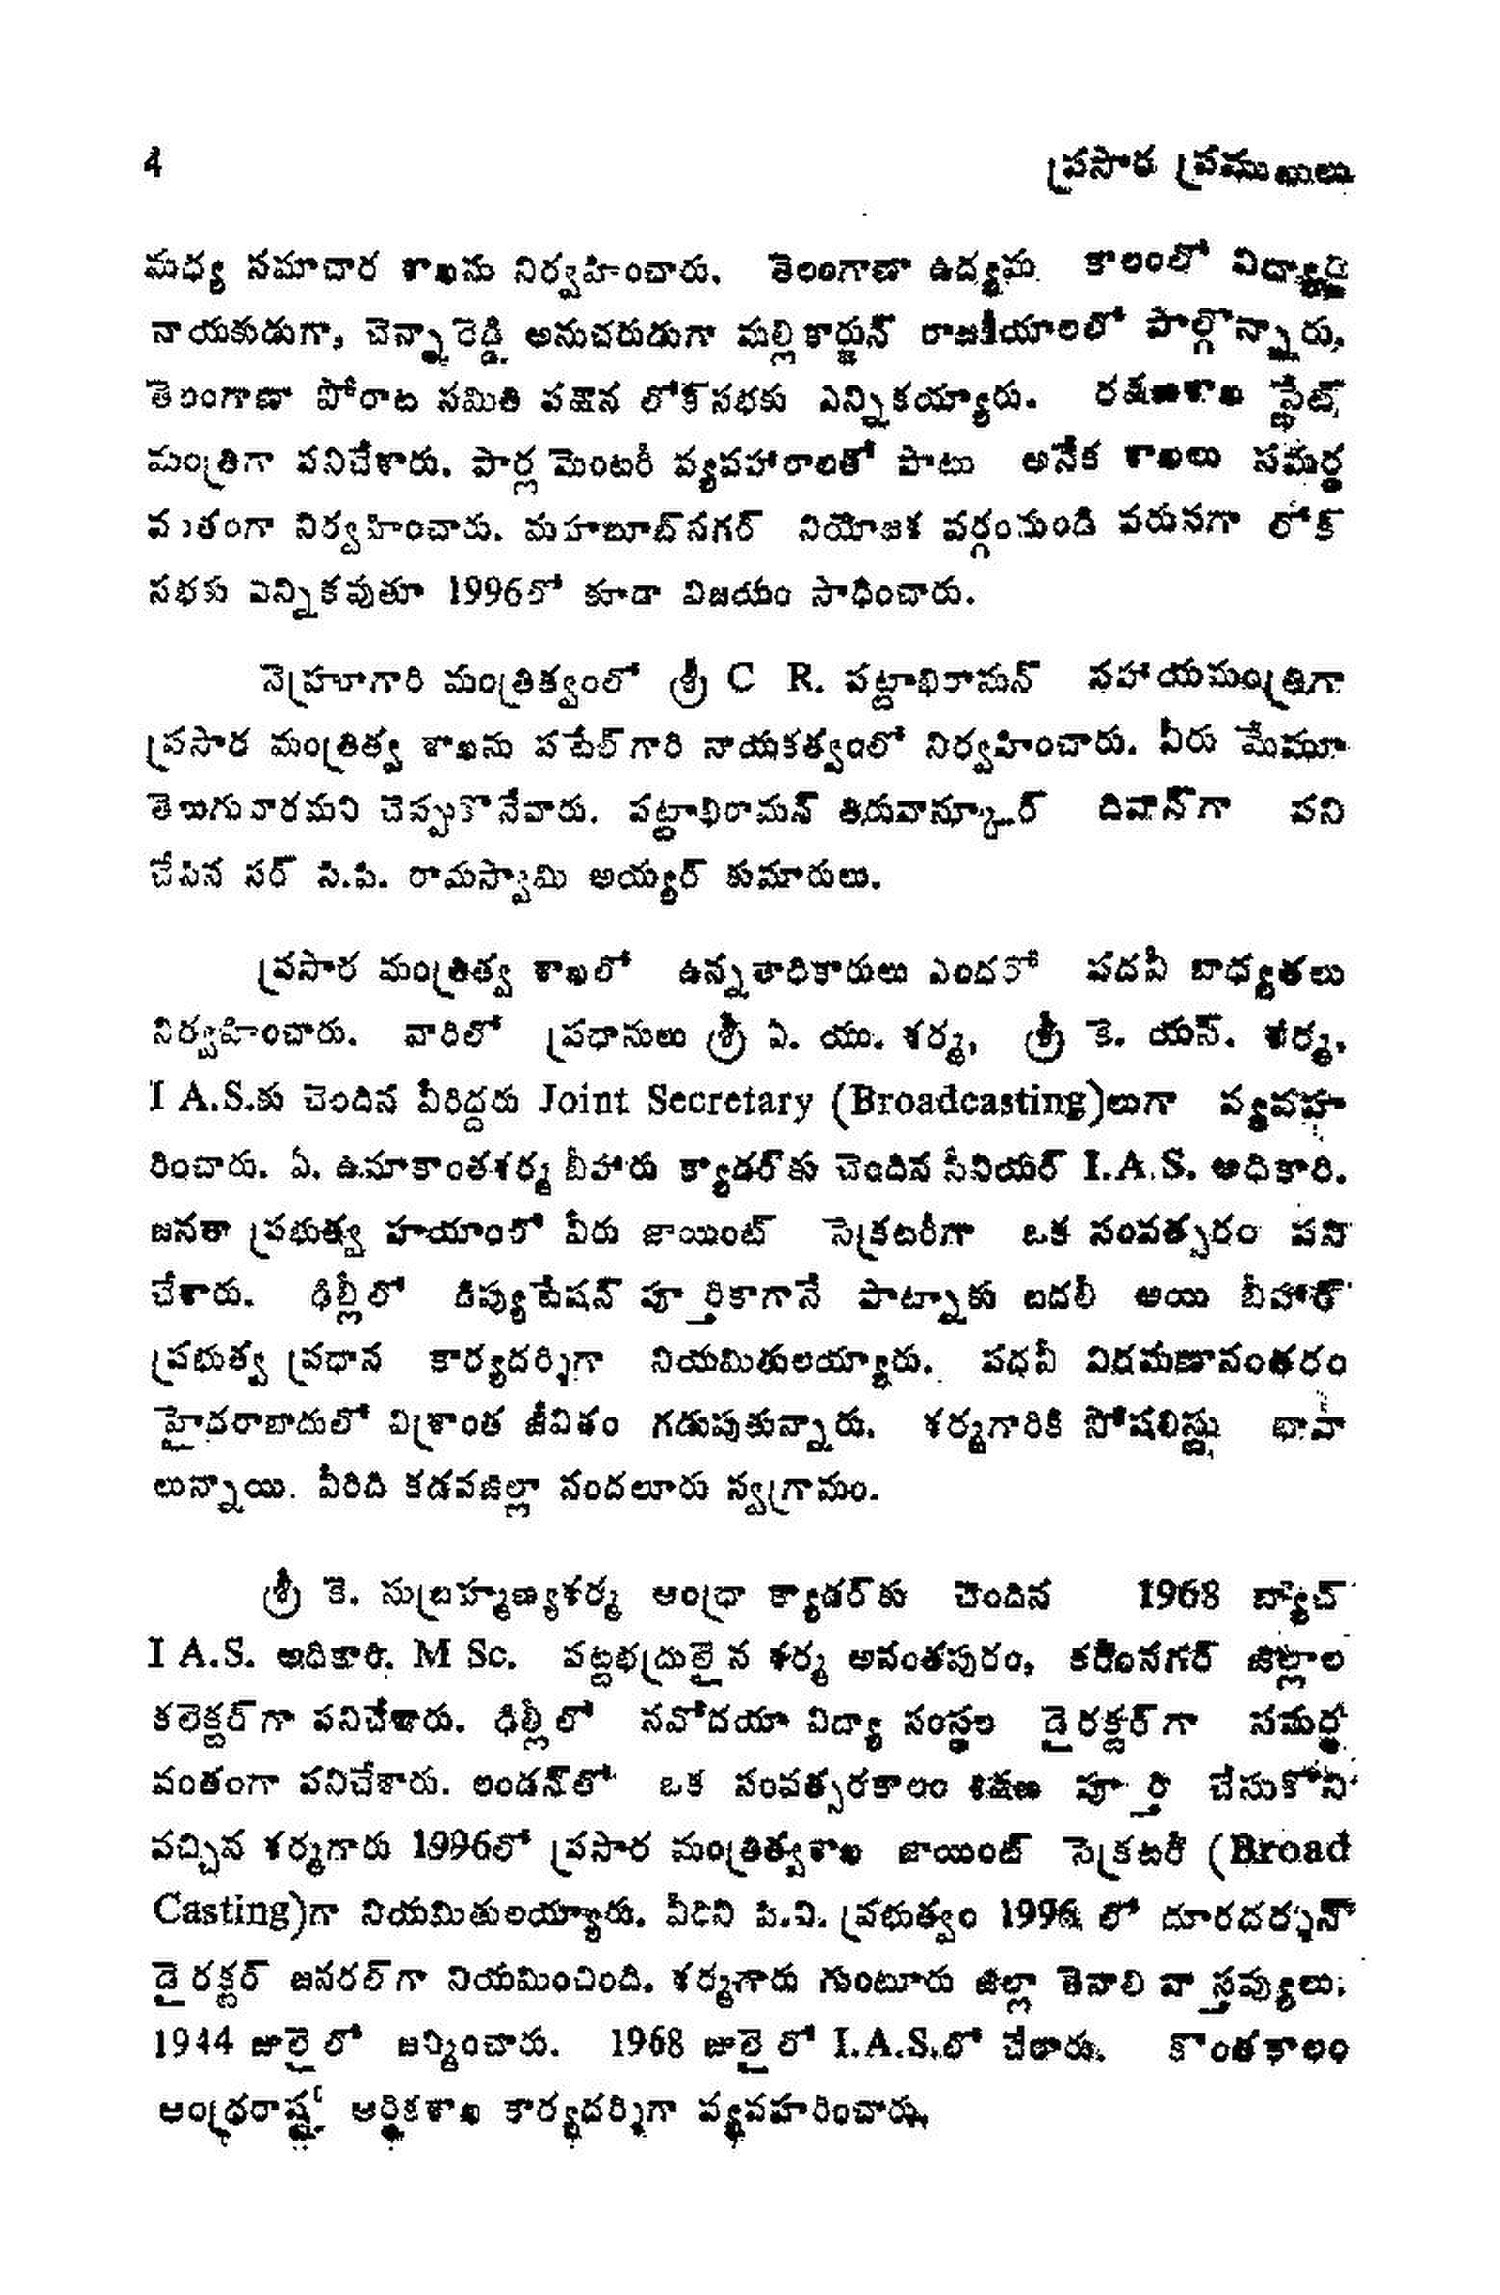మధ్య సమాచార శాఖను నిర్వహించారు. తెలంగాణా ఉద్యమ కాలంలో విద్యార్థి నాయకుడుగా, చెన్నారెడ్డి అనుచరుడుగా మల్లికార్జున్ రాజకీయాలలో పాల్గొన్నారు. తెలంగాణా పోరాట సమితి పక్షాన లోక్‌సభకు ఎన్నికయ్యారు. రక్షణశాఖ స్టేట్ మంత్రిగా పనిచేశారు. పార్లమెంటరీ వ్యవహారాలతో పాటు అనేక శాఖలు సమర్ధవంతంగా నిర్వహించారు. మహబూబ్‌నగర్ నియోజకవర్గం నుండి వరుసగా లోక్‌సభకు ఎన్నికవుతూ 1996లో కూడా విజయం సాధించారు.

నెహ్రూగారి మంత్రిత్వంలో శ్రీ C. R. పట్టాభిరామన్ సహాయమంత్రిగా ప్రసార మంత్రిత్వ శాఖను పటేల్ గారి నాయకత్వంలో నిర్వహించారు. వీరు మేమూ తెలుగువారమని చెప్పుకొనేవారు. పట్టాభిరామన్ తిరువాన్కూర్ దివాన్ గా పనిచేసిన సర్ సి.పి. రామస్వామి అయ్యర్ కుమారులు.

ప్రసార మంత్రిత్వ శాఖలో ఉన్నతాధికారులు ఎందరో పదవీ బాధ్యతలు నిర్వహించారు. వారిలో ప్రధానులు శ్రీ. ఏ.యు. శర్మ, శ్రీ కె. యస్. శర్మ, I.A.S.కు చెందిన వీరిద్దరు Joint Secretary (Broadcasting)లుగా వ్యవహరించారు. ఏ.ఉమాకాంతశర్మ బీహారు క్యాడర్ కు చెందిన సీనియర్ I.A.S. అధికారి. జనతా ప్రభుత్వ హయాంలో వీరు జాయింట్ సెక్రటరీగా ఒక సంవత్సరం పనిచేశారు. ఢిల్లీలో డిప్యుటేషన్ పూర్తికాగానే పాట్నాకు బదలి అయి బీహార్ ప్రభుత్వ ప్రధాన కార్యదర్శిగా నియమితులయ్యారు. పదవీ విరమణానంతరం హైదరాబాదులో విశ్రాంత జీవితం గడుపుతున్నారు. శర్మగారికి సోషలిష్టు భావా లున్నాయి. వీరిది కడపజిల్లా నందలూరు స్వగ్రామం.

శ్రీ. కె. సుబ్రహ్మణ్యశర్మ ఆంధ్రా క్యాడర్ కు చెందిన 1968 బ్యాచ్ I.A.S. అధికారి. M.Sc. పట్టభద్రులైన శర్మ అనంతపురం, కరీంనగర్ జిల్లాల కలెక్టర్ గా పనిచేశారు. లండన్ లో ఒక సంవత్సరకాలం శిక్షణ పూర్తి చేసుకొని వచ్చిన శర్మగారు 1996లో ప్రసార మంత్రిత్వశాఖ జాయింట్ సెక్రటరీ (Broad Casting)గా నియమితులయ్యారు. వీరిని పి.వి. ప్రభుత్వం 1996 లో దూరదర్శన్ డైరక్టర్ జనరల్ గా నియమించింది. శర్మగారు గుంటూరు జిల్లా తెనాలి వాస్తవ్యులు. 1944 జూలైలో జన్మించారు. 1968 జూలైలో I.A.S.లో చేరారు. కొంతకాలం ఆంధ్రరాష్ట్ర ఆర్థికశాఖ కార్యదర్శిగా వ్యవహరించారు.